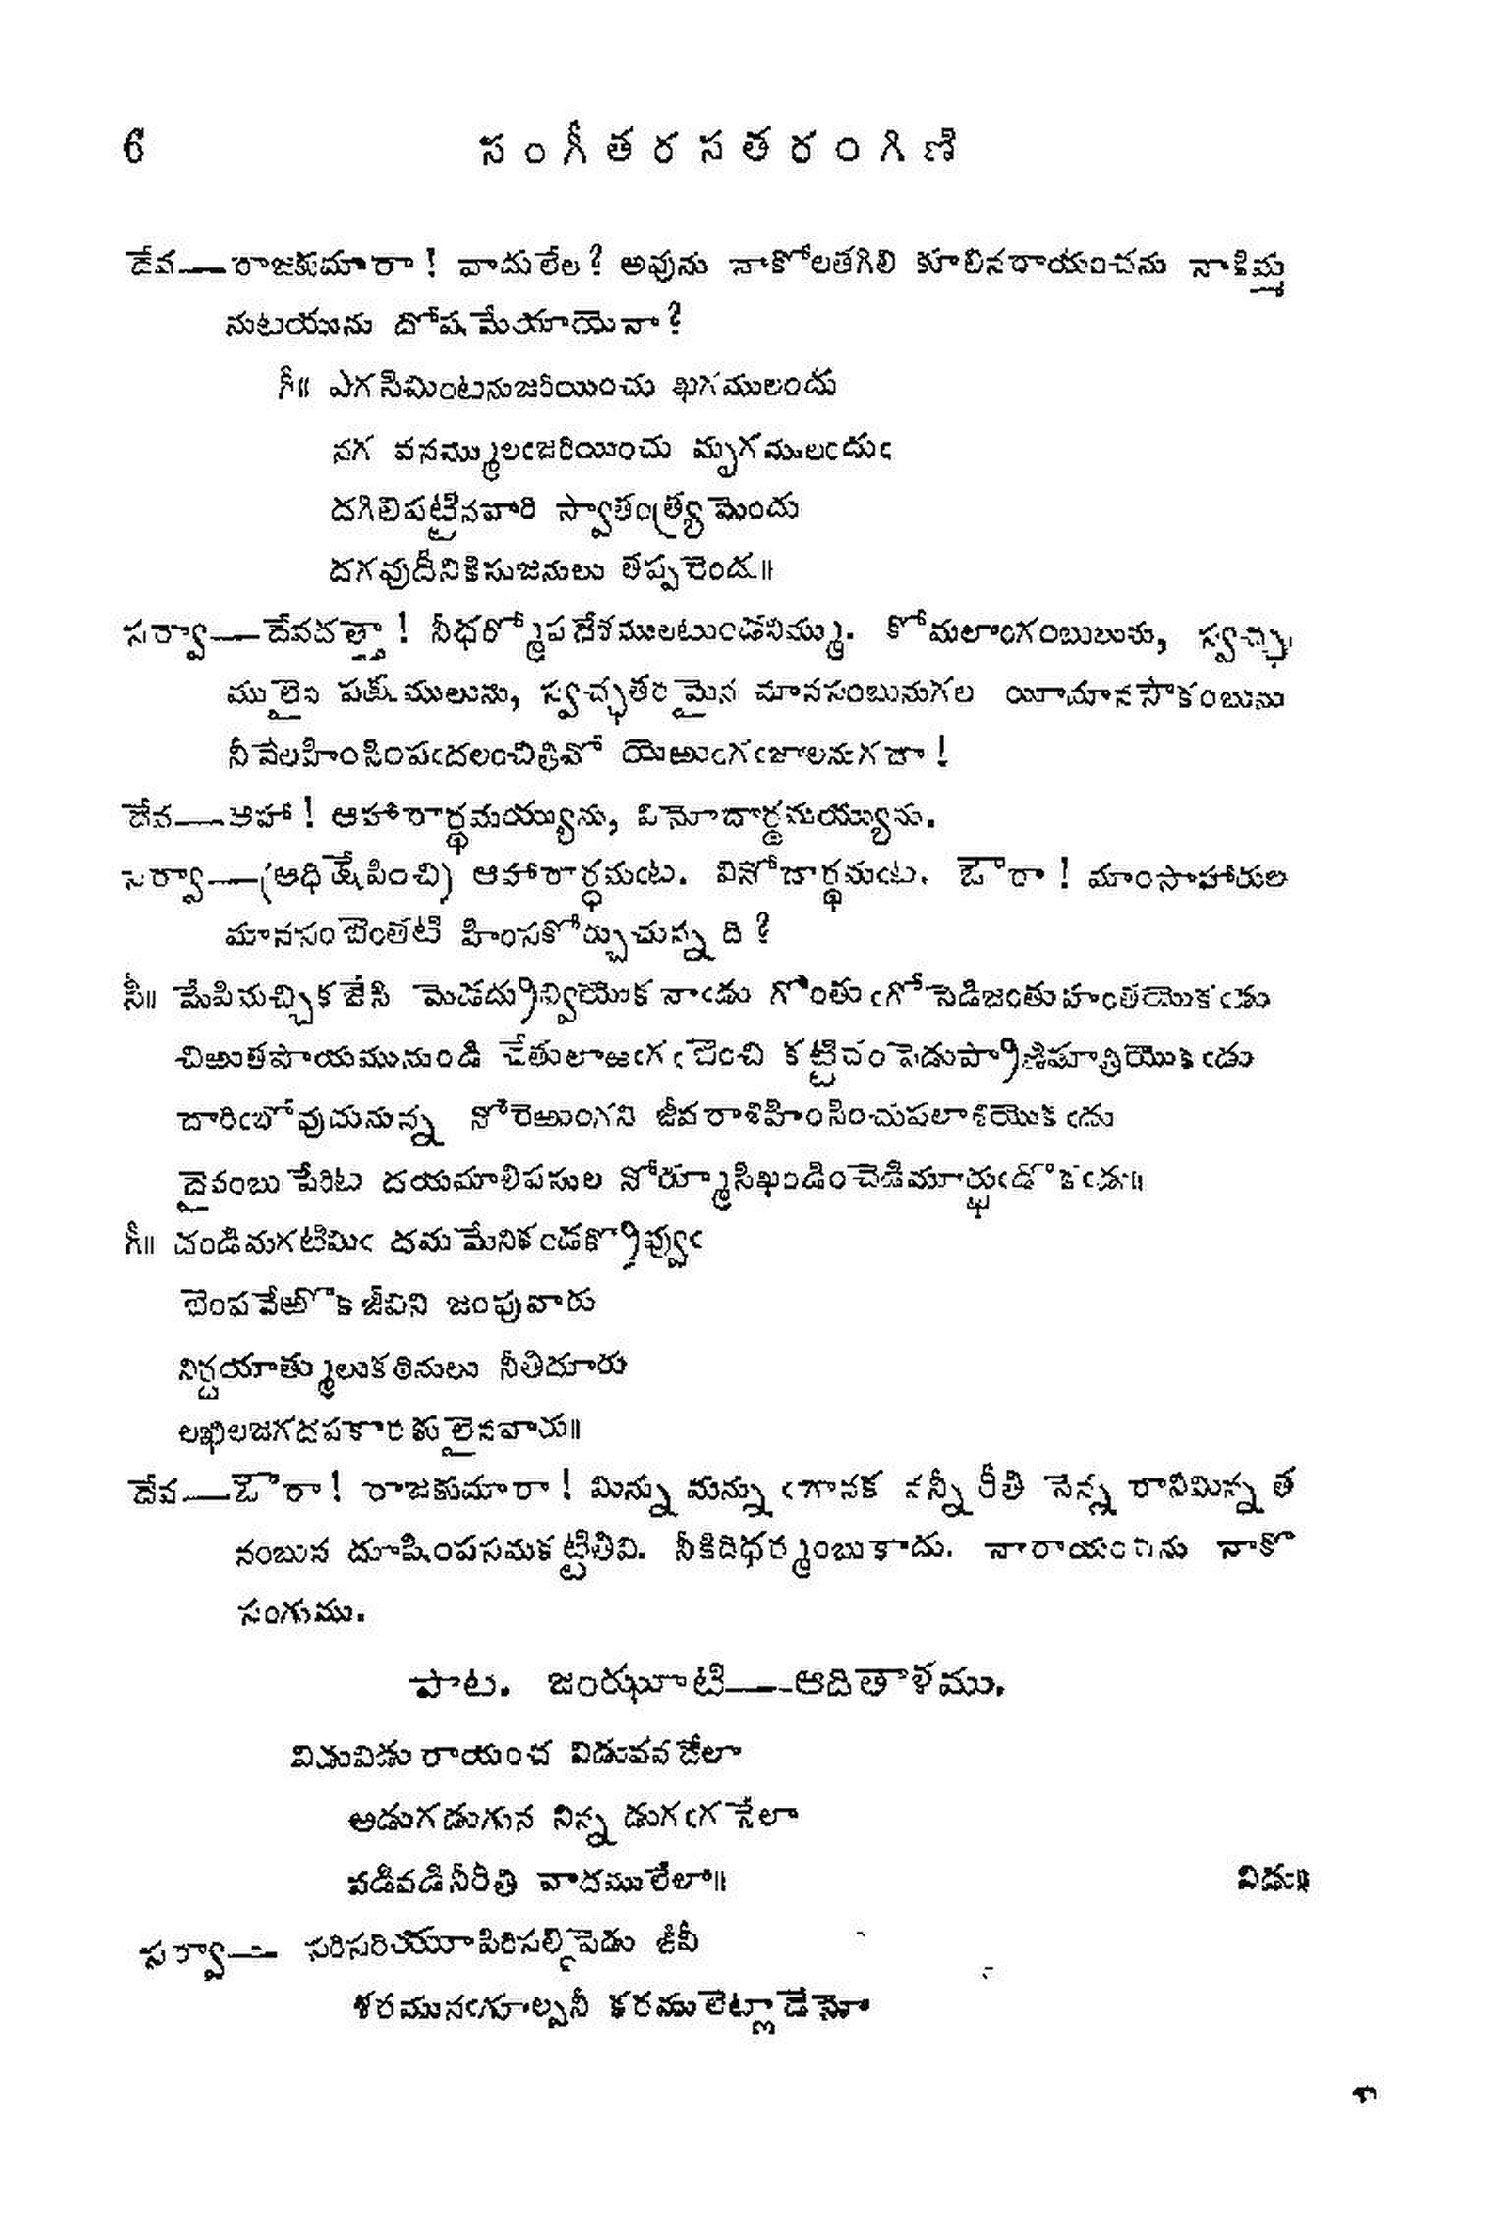దేవ — రాజకుమారా! వాదులేల? అవును నాకోలతగిలి కూలినరాయంచను నాకిమ్మనుటయును దోషమేయాయెనా?

గీ॥ ఎగసిమింటనుజరియించు ఖగములందుఁ
నగ వనమ్ములఁజరియించు మృగములందుఁ
దగిలి పట్టినవారి స్వాతంత్య్రమెందు
దగవుదీనికిసుజనులు తప్పరెండు॥ 

సర్వా — దేవదత్తా! నీధర్మోపదేశముంటుండనిమ్ము. కోమలాంగంబులురు, స్వచ్ఛములైన పక్షములును, స్వచ్ఛతరమైన మానసంబునుగల యీమానసౌకంబును నీవేలహింసింపఁదలంచితివో యెఱుఁగఁజాలను గదా!

దేవ---ఆహా ! ఆహారార్థమయ్యును, విమోదార్థమయ్యును.

సర్వా — (అధిక్షిపించి) ఆహారార్ధమంట. వినోదార్థమంట. ఔరా! మాంసాహారుల మానసంబెంతటి హింసకోరుచున్నది?

సీ॥ మేపినుచ్చికజేసి మెడద్రువ్వియెుకనాఁడు గోంతుఁగోసెడిజంతుహంతయొకఁడు 
చిఱుతపాయమునుండి చేతులాఱఁగఁబెంచి కట్టిచంపెడుపాణిమాతియొకఁడు
దారిఁబోవుచునున్న నోరెఱుంగని జీవరాశిహింపించులాశయొకఁదు
దైవంబుపేరిట దయమాలిపనుల నోర్మూసిఖండించెడిమూర్ఖుఁడొకఁడు॥ 

గీ॥ చండి మగటిమిఁదనుమేనికండకొవ్వుఁ
బెంపవేఱోకజీవిని జంపువారు
నిర్ణయాత్ములుకఠినులు నీతిదూరు
లఖిలజగదపకారకులైనవారు॥ 

దేవ — ఔరా! రాజకుమారా! మిన్ను మన్నుఁగానక నన్నీ రీతి నెన్న రానిమిన్నత నంబున దూషింపసమకట్టితివి. నీకిదిధర్మంబుకాదు. నారాయంతను నాకొసంగుము.

విడువిడు రాయంచ విడువవదేలా
అడుగడుగున నిన్న డుగఁగనేలా
వడివడినీరీతి వాదములేలా॥  

సర్వా - సరిసరియూపిరిసల్గిపెడు జీవీ
శరమునఁగూల్సనీ కరములెట్లాడేమో